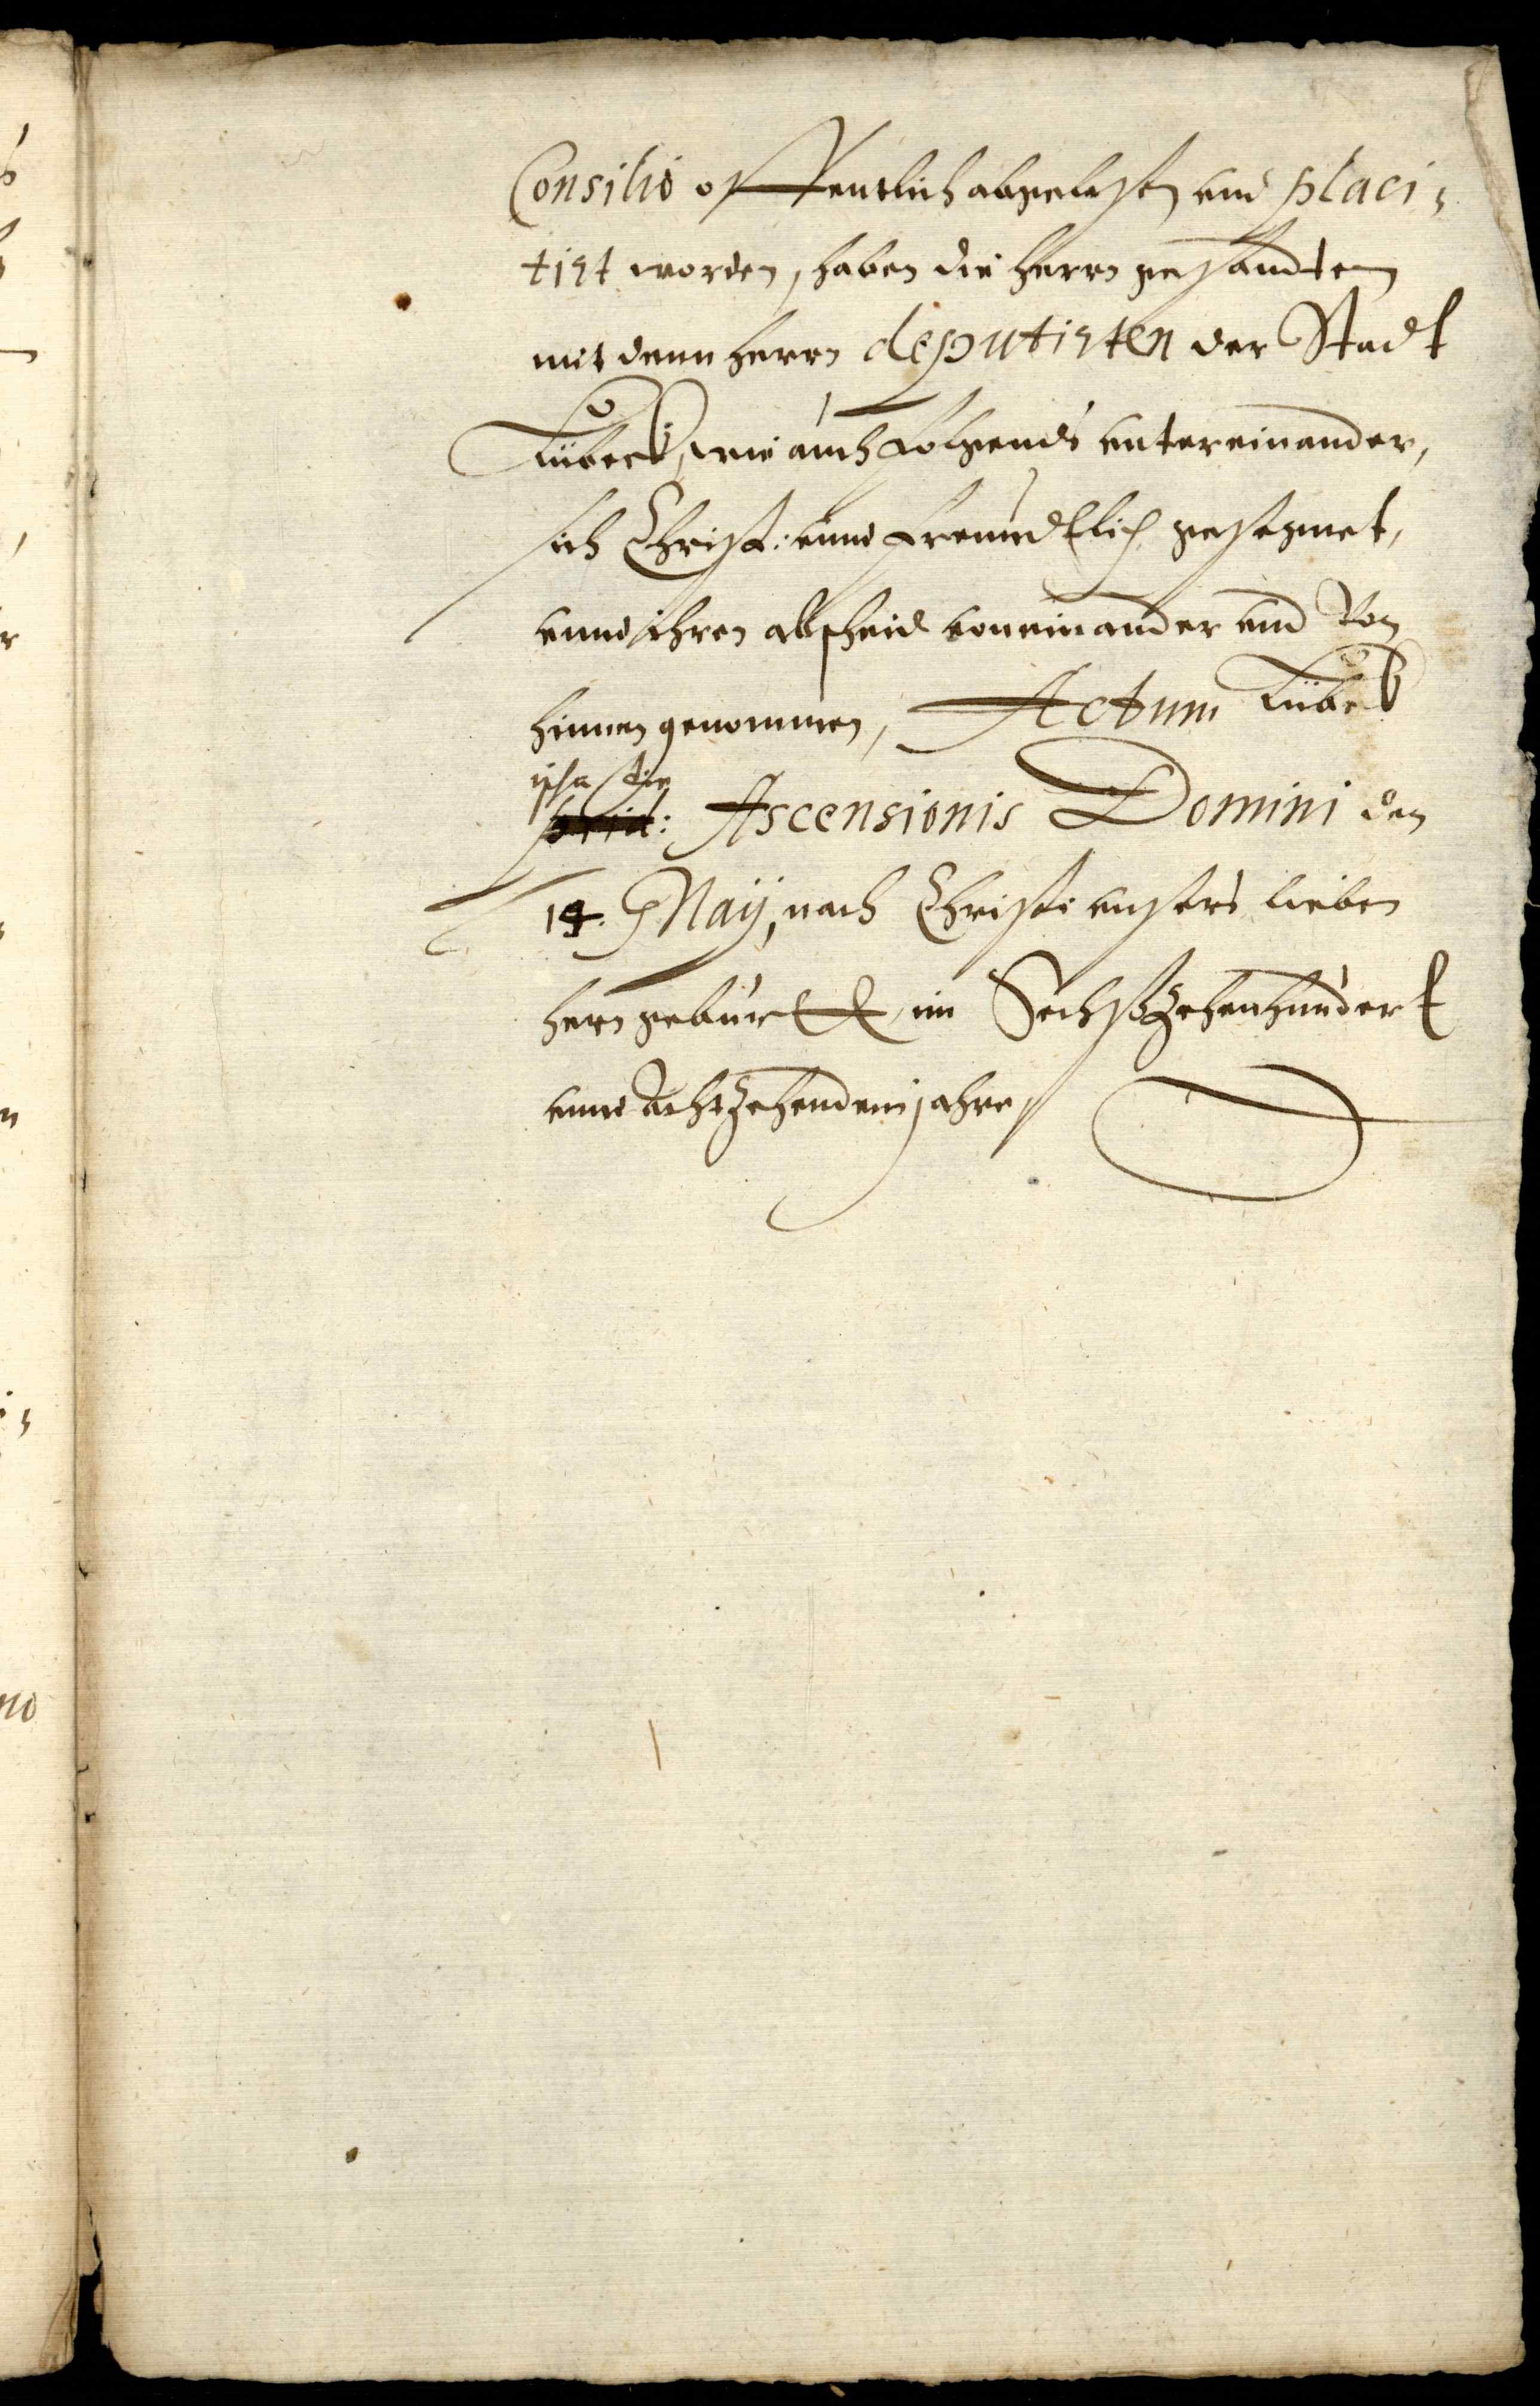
Consilio offentlich abgelesen vnd placi¬
tirt worden, haben die herrn gesandten
mit denn herrn deputirten der Stadt
Lübeck, wie auch folgends vntereinander,
sich Christ: vnnd freundtlich gesegnet,
vnnd ihren abschied voneinader vnd Von
hinnen genommen, Actum Lübeck
ipsa die
prid: Ascensionis Domini den
14. Maij, nach Christi vnsers lieben
hern geburtt, im SechßZehnhundert
vnnd AchtZehenden jahre
